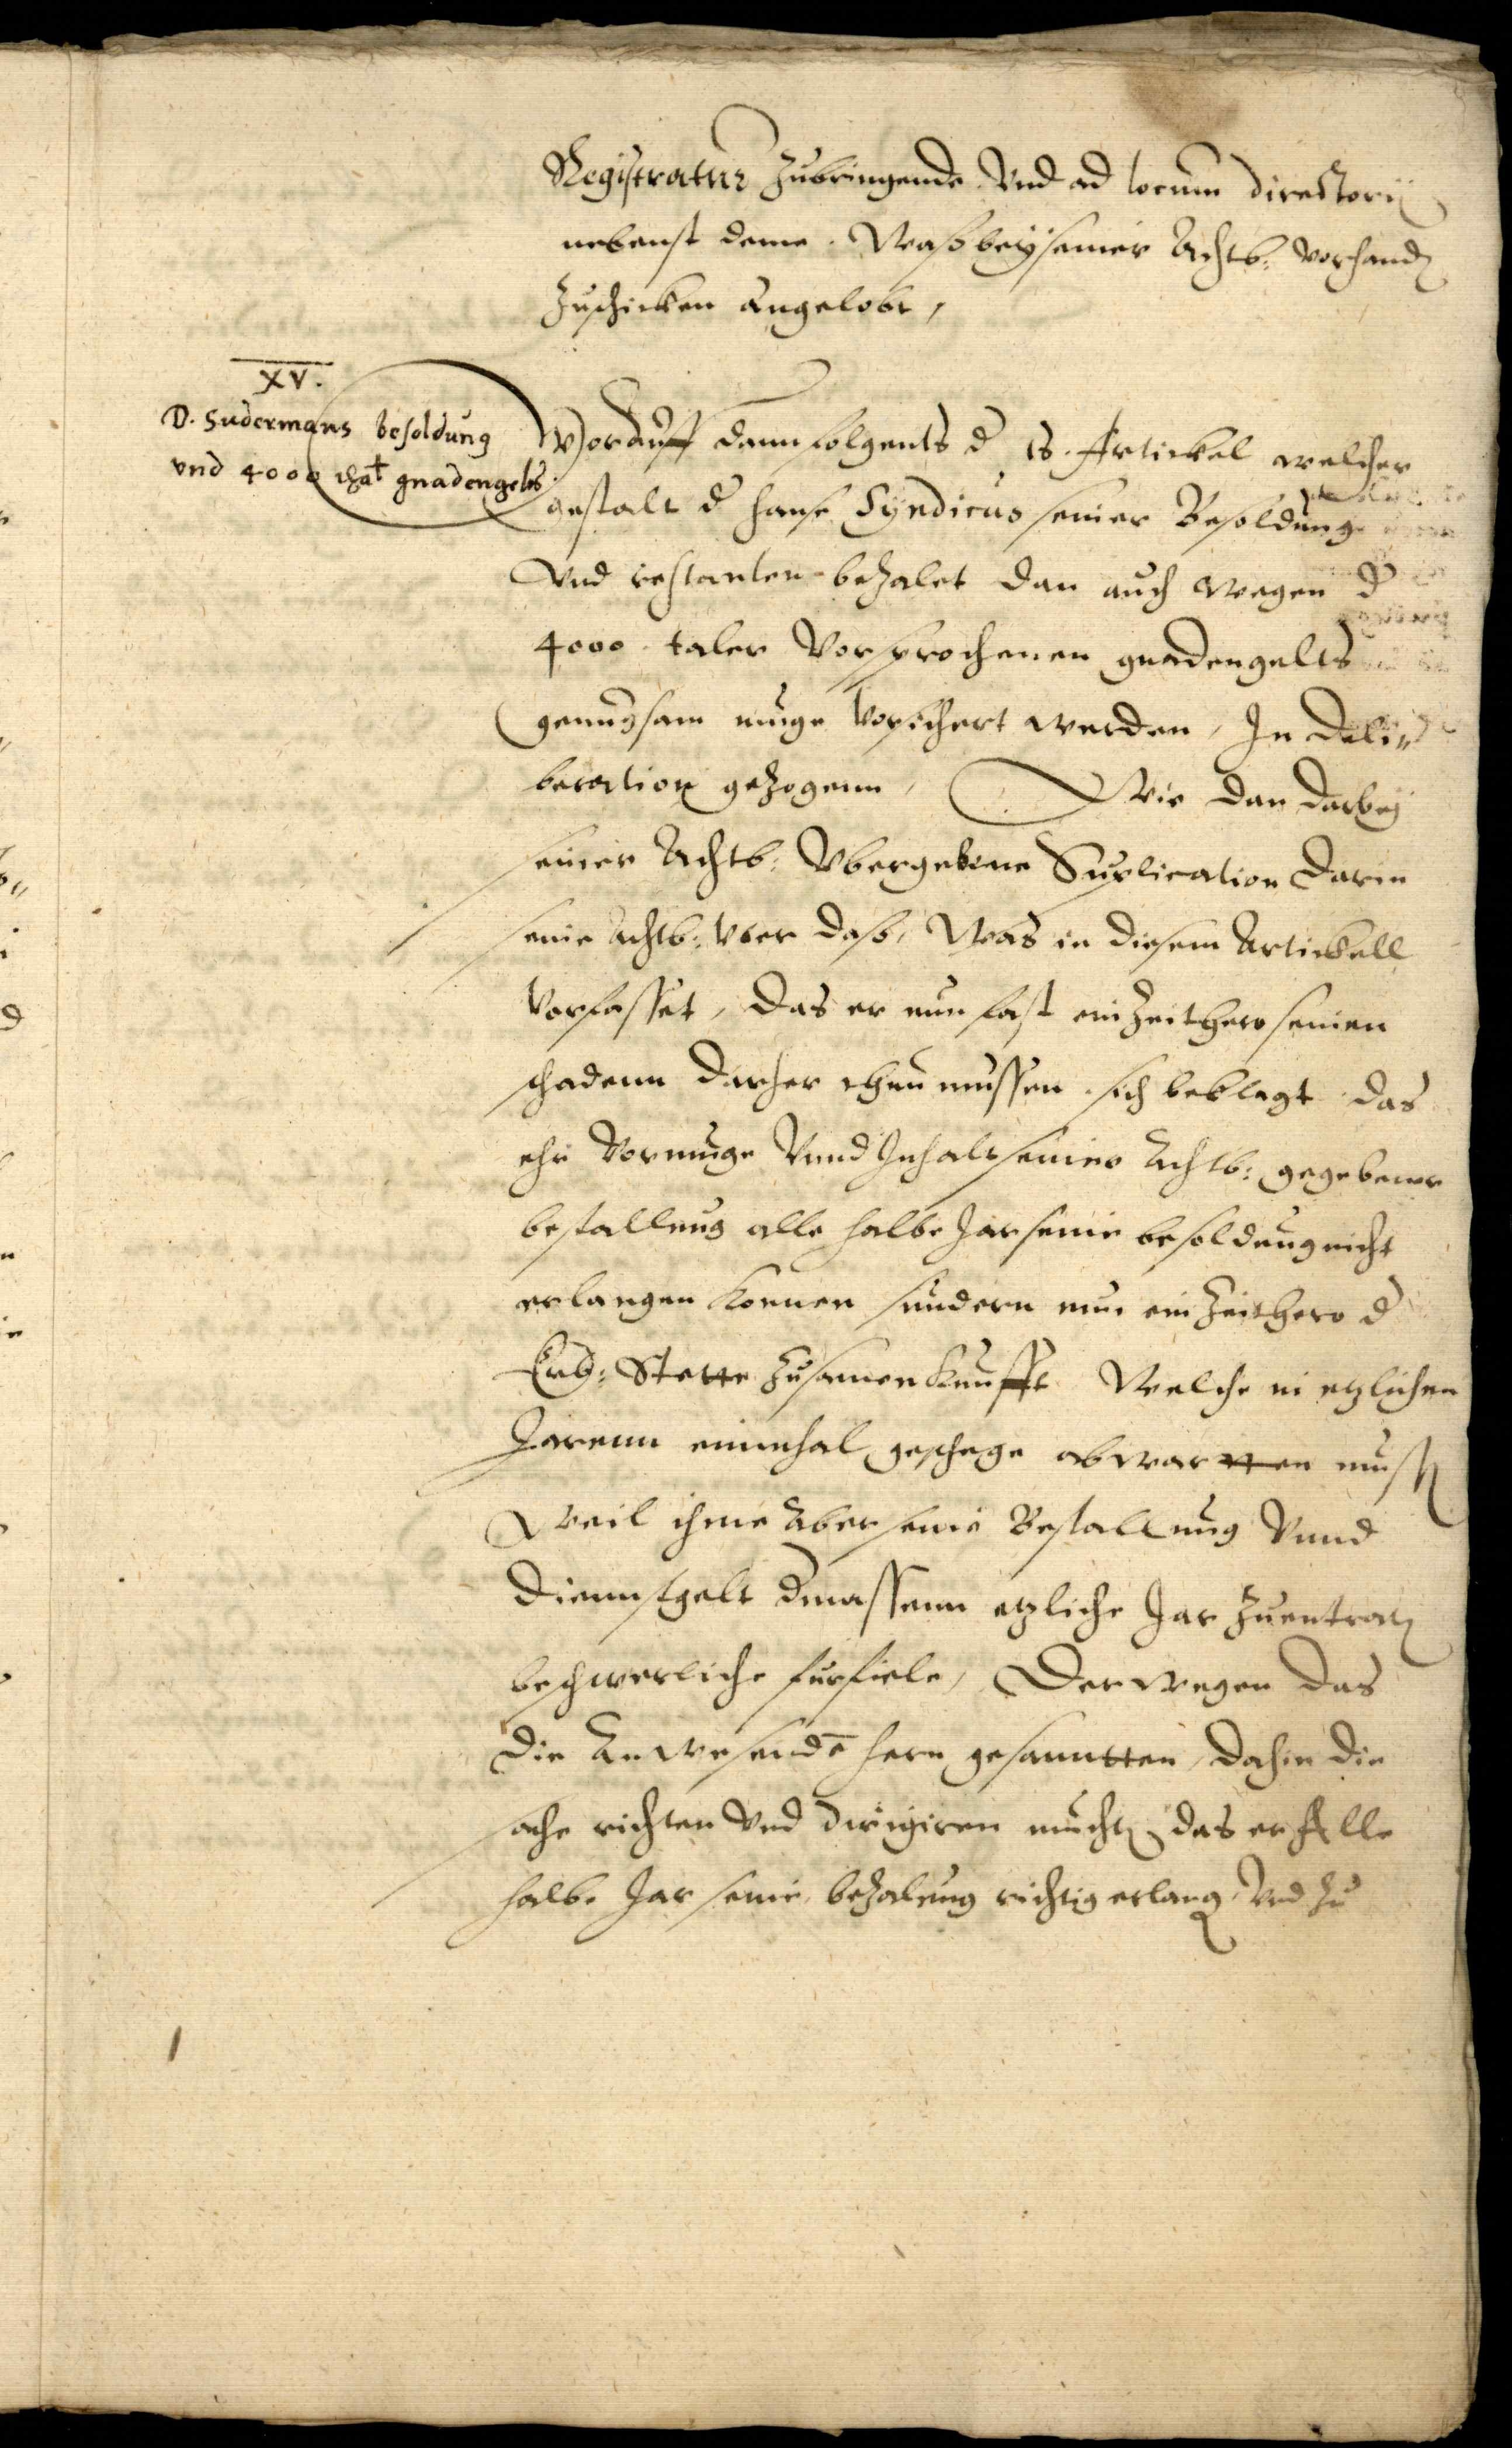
Registratur zubringende, Vnd ad locum directorij
nebenst deme. Waß beij seiner Achtb: Vorhanden
zuschicken Angelobt,
Worauff denn folgents der 16 . Artickel welcher
gestalt der hanse Sijndicus seiner Besoldung
Vnd restanten bezalet dan auch wegen der
4000 taler Vorsprochenen gnadengelts
genugsam muge Vorsichert werden, In Deli¬
bration gezogenn, Wie dan darbeij
seiner Achtb: Vbergebene Suplication darin
seine Achtb. Vber daß, Was in diesem Artickell
Vorfasset, das er nun fast ein zeither seinen
schaden darher thun mussen sich beklagt das
ehr Vormuge Vnnd Inhalt seiner Achtb: gegebener
bestallung alle halbe Jar seine besoldung nicht
erlangen Konnen sundern nun ein Zeithero der
Erb: Stette zusamenkunfft Welche in etzlichen
Iarenn einmhal geschege abwartten musten
Weil ihme Aber seine Bestallung Vnnd
Diennstgelt dermassenn etzliche Iar Zuentraten
beschwerliche furfiele, Derwegen das
Die Anwesenden hern gesanntten, dahin die
sache richten vnd dirigiren muchten das er Alle
halbe Jar seine bezalung richtig erlangen Vnd zu
XV.
D. Sudermans besoldung
vnd 4000 thaler gnadengelts.
